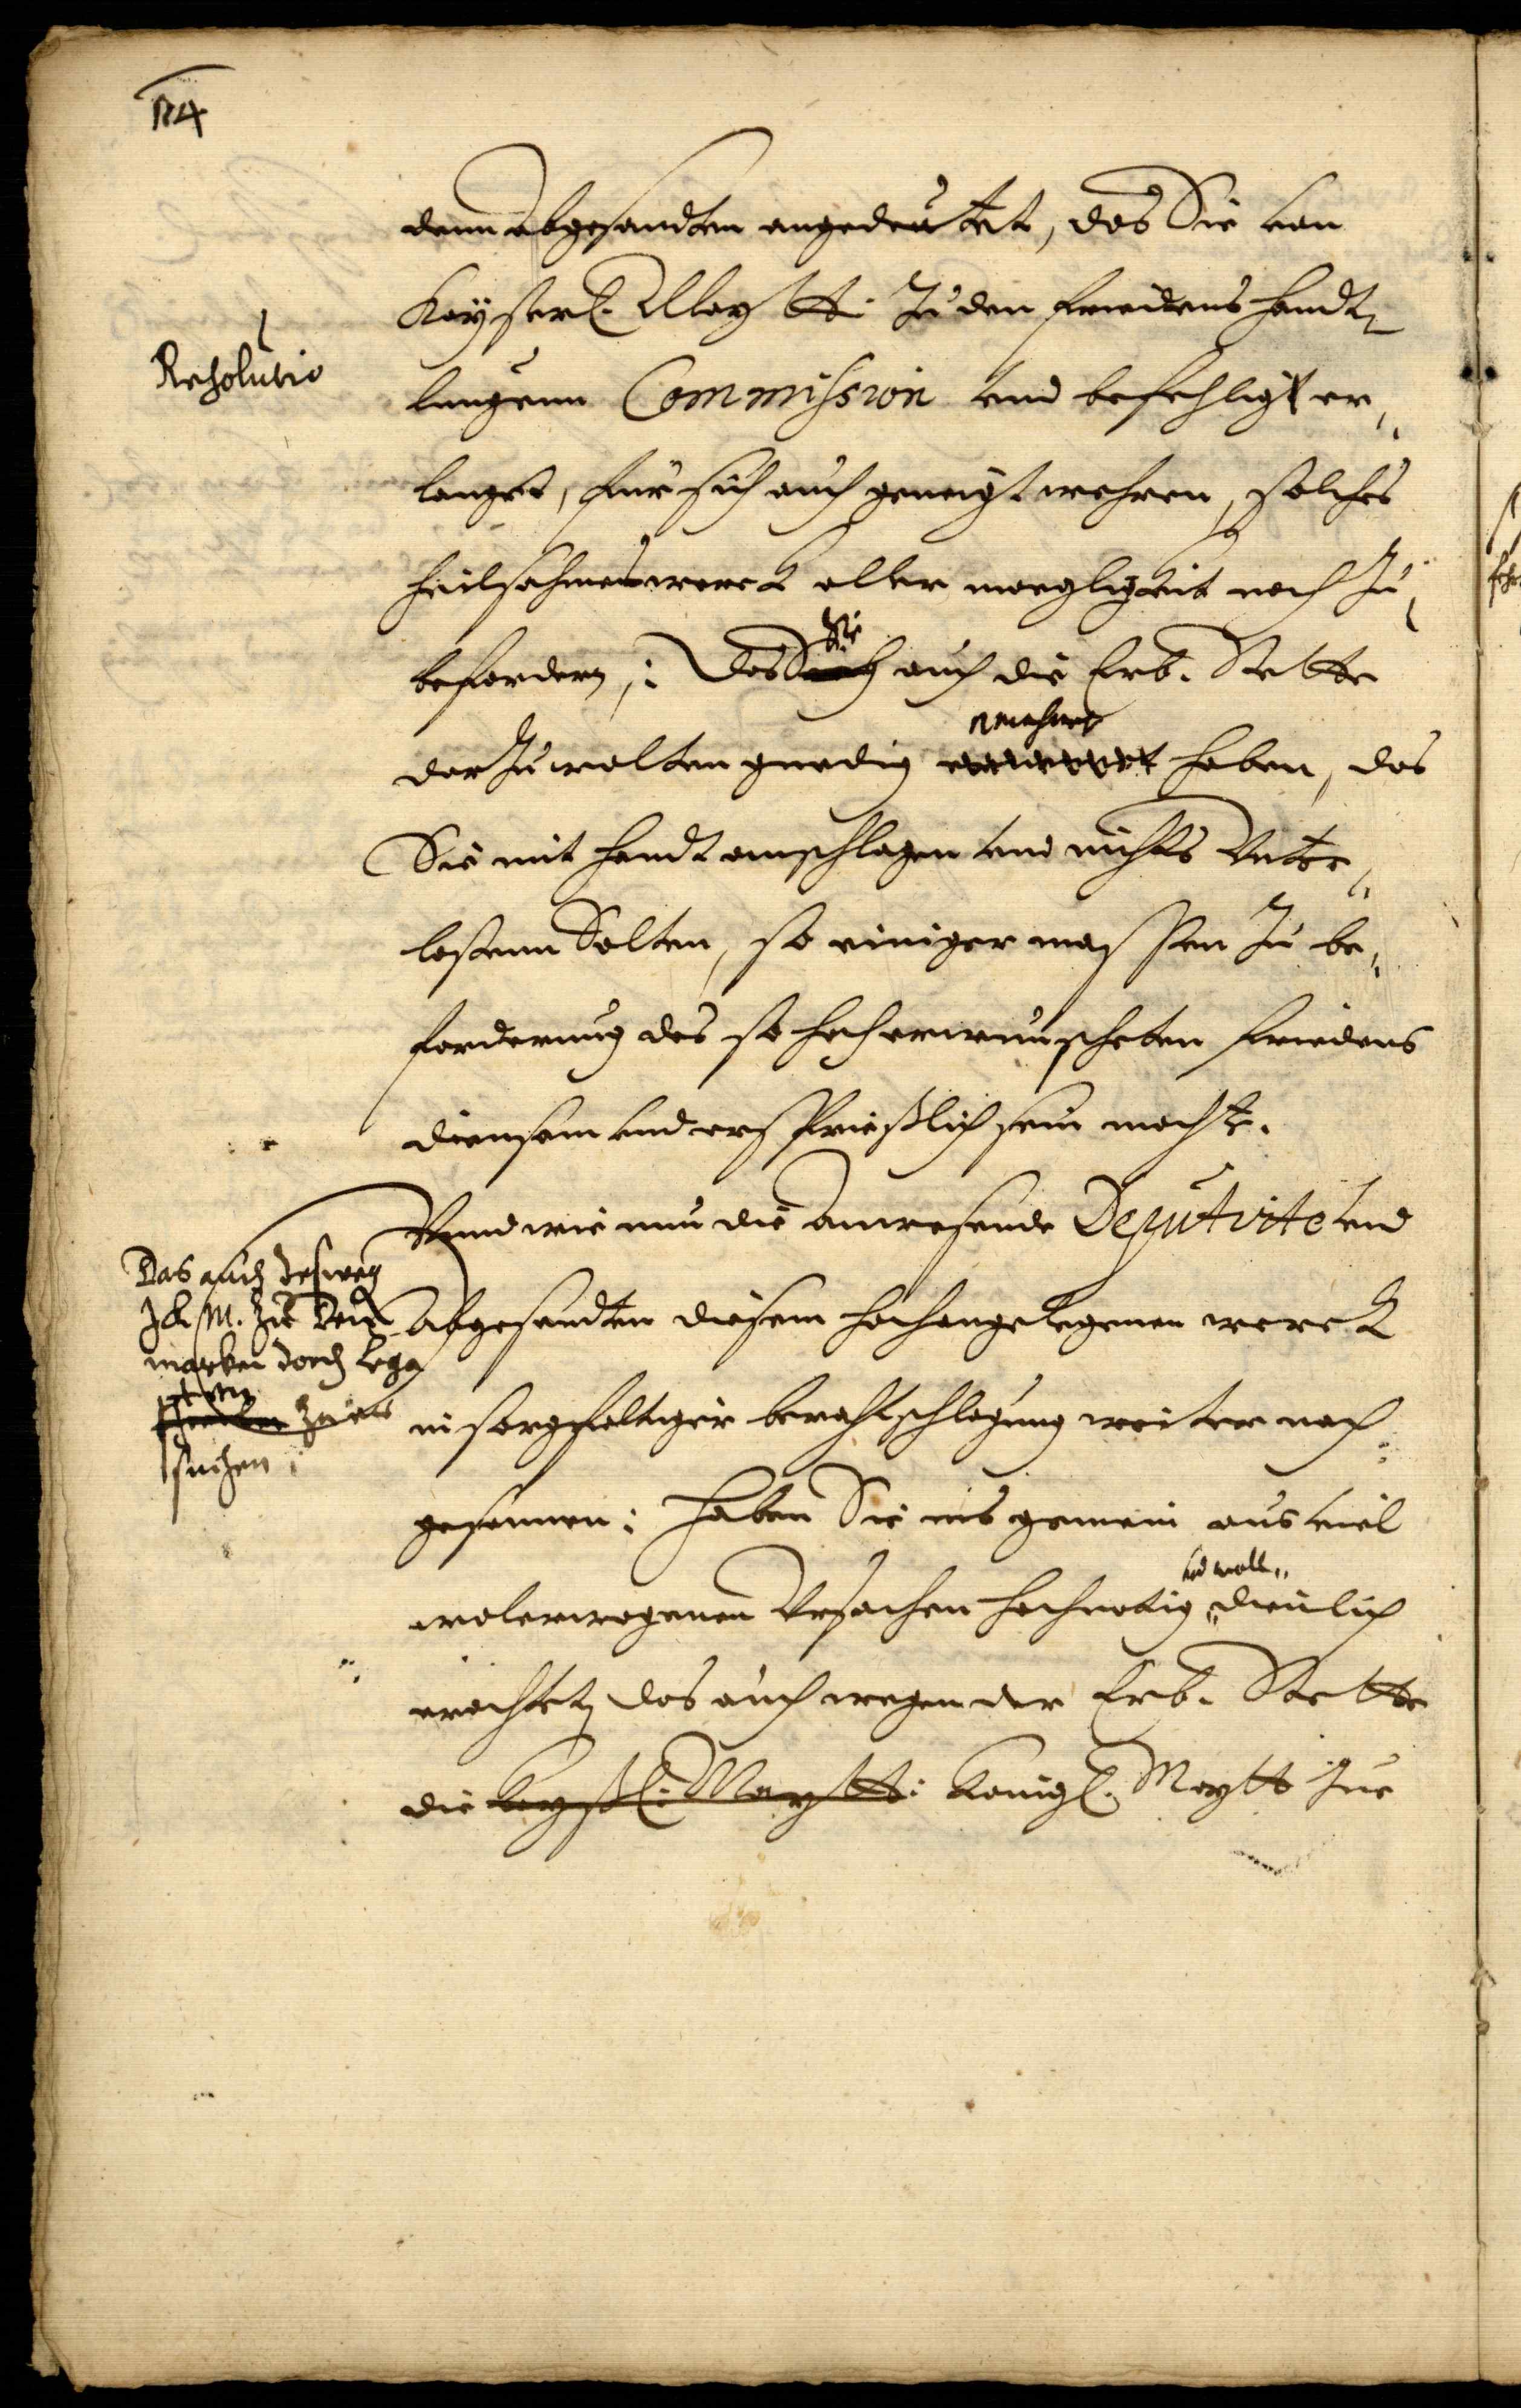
14
denn Abgesandten angedeutet, das Sie von
keijßerl. Maytt: zu den friedens handt¬
lungenn Commission vnd befehligt er¬
langet, fur sich auch geneigt wehren, solches
heilsahmes werck aller moegligkeit nach zu¬
befordern,: das Sie auch die Erb. Stette
emahnet
darzu wolten gnedig ernennet haben, das
Sie mit handtanschlagen vnd nichts vnter¬
laßenn Solten, so einiger massen zu be¬
forderung des so hocherwunscheten friedens
diensam vnd ersprießlich sein mochte.
Resolutio
Vnnd wie nun die anwesende Deputirte vnd
Abgesandten diesem hochangelegenen werck
in sorgfeltiger berahtschlagung weiter nach¬
gesonnen: Haben Sie ins gemein aus viel
vnd woll "
wolerwogenen Vrsachen hochnotig " dienlich
erachtet, das auch wegen der Erb. Stette
die Keyßl:Maytt: Konigl. Maytt zue
Das auch deswegen
I K M. zu Den
marken dorch Lega
tenn
stmeben zu er¬
suchen
